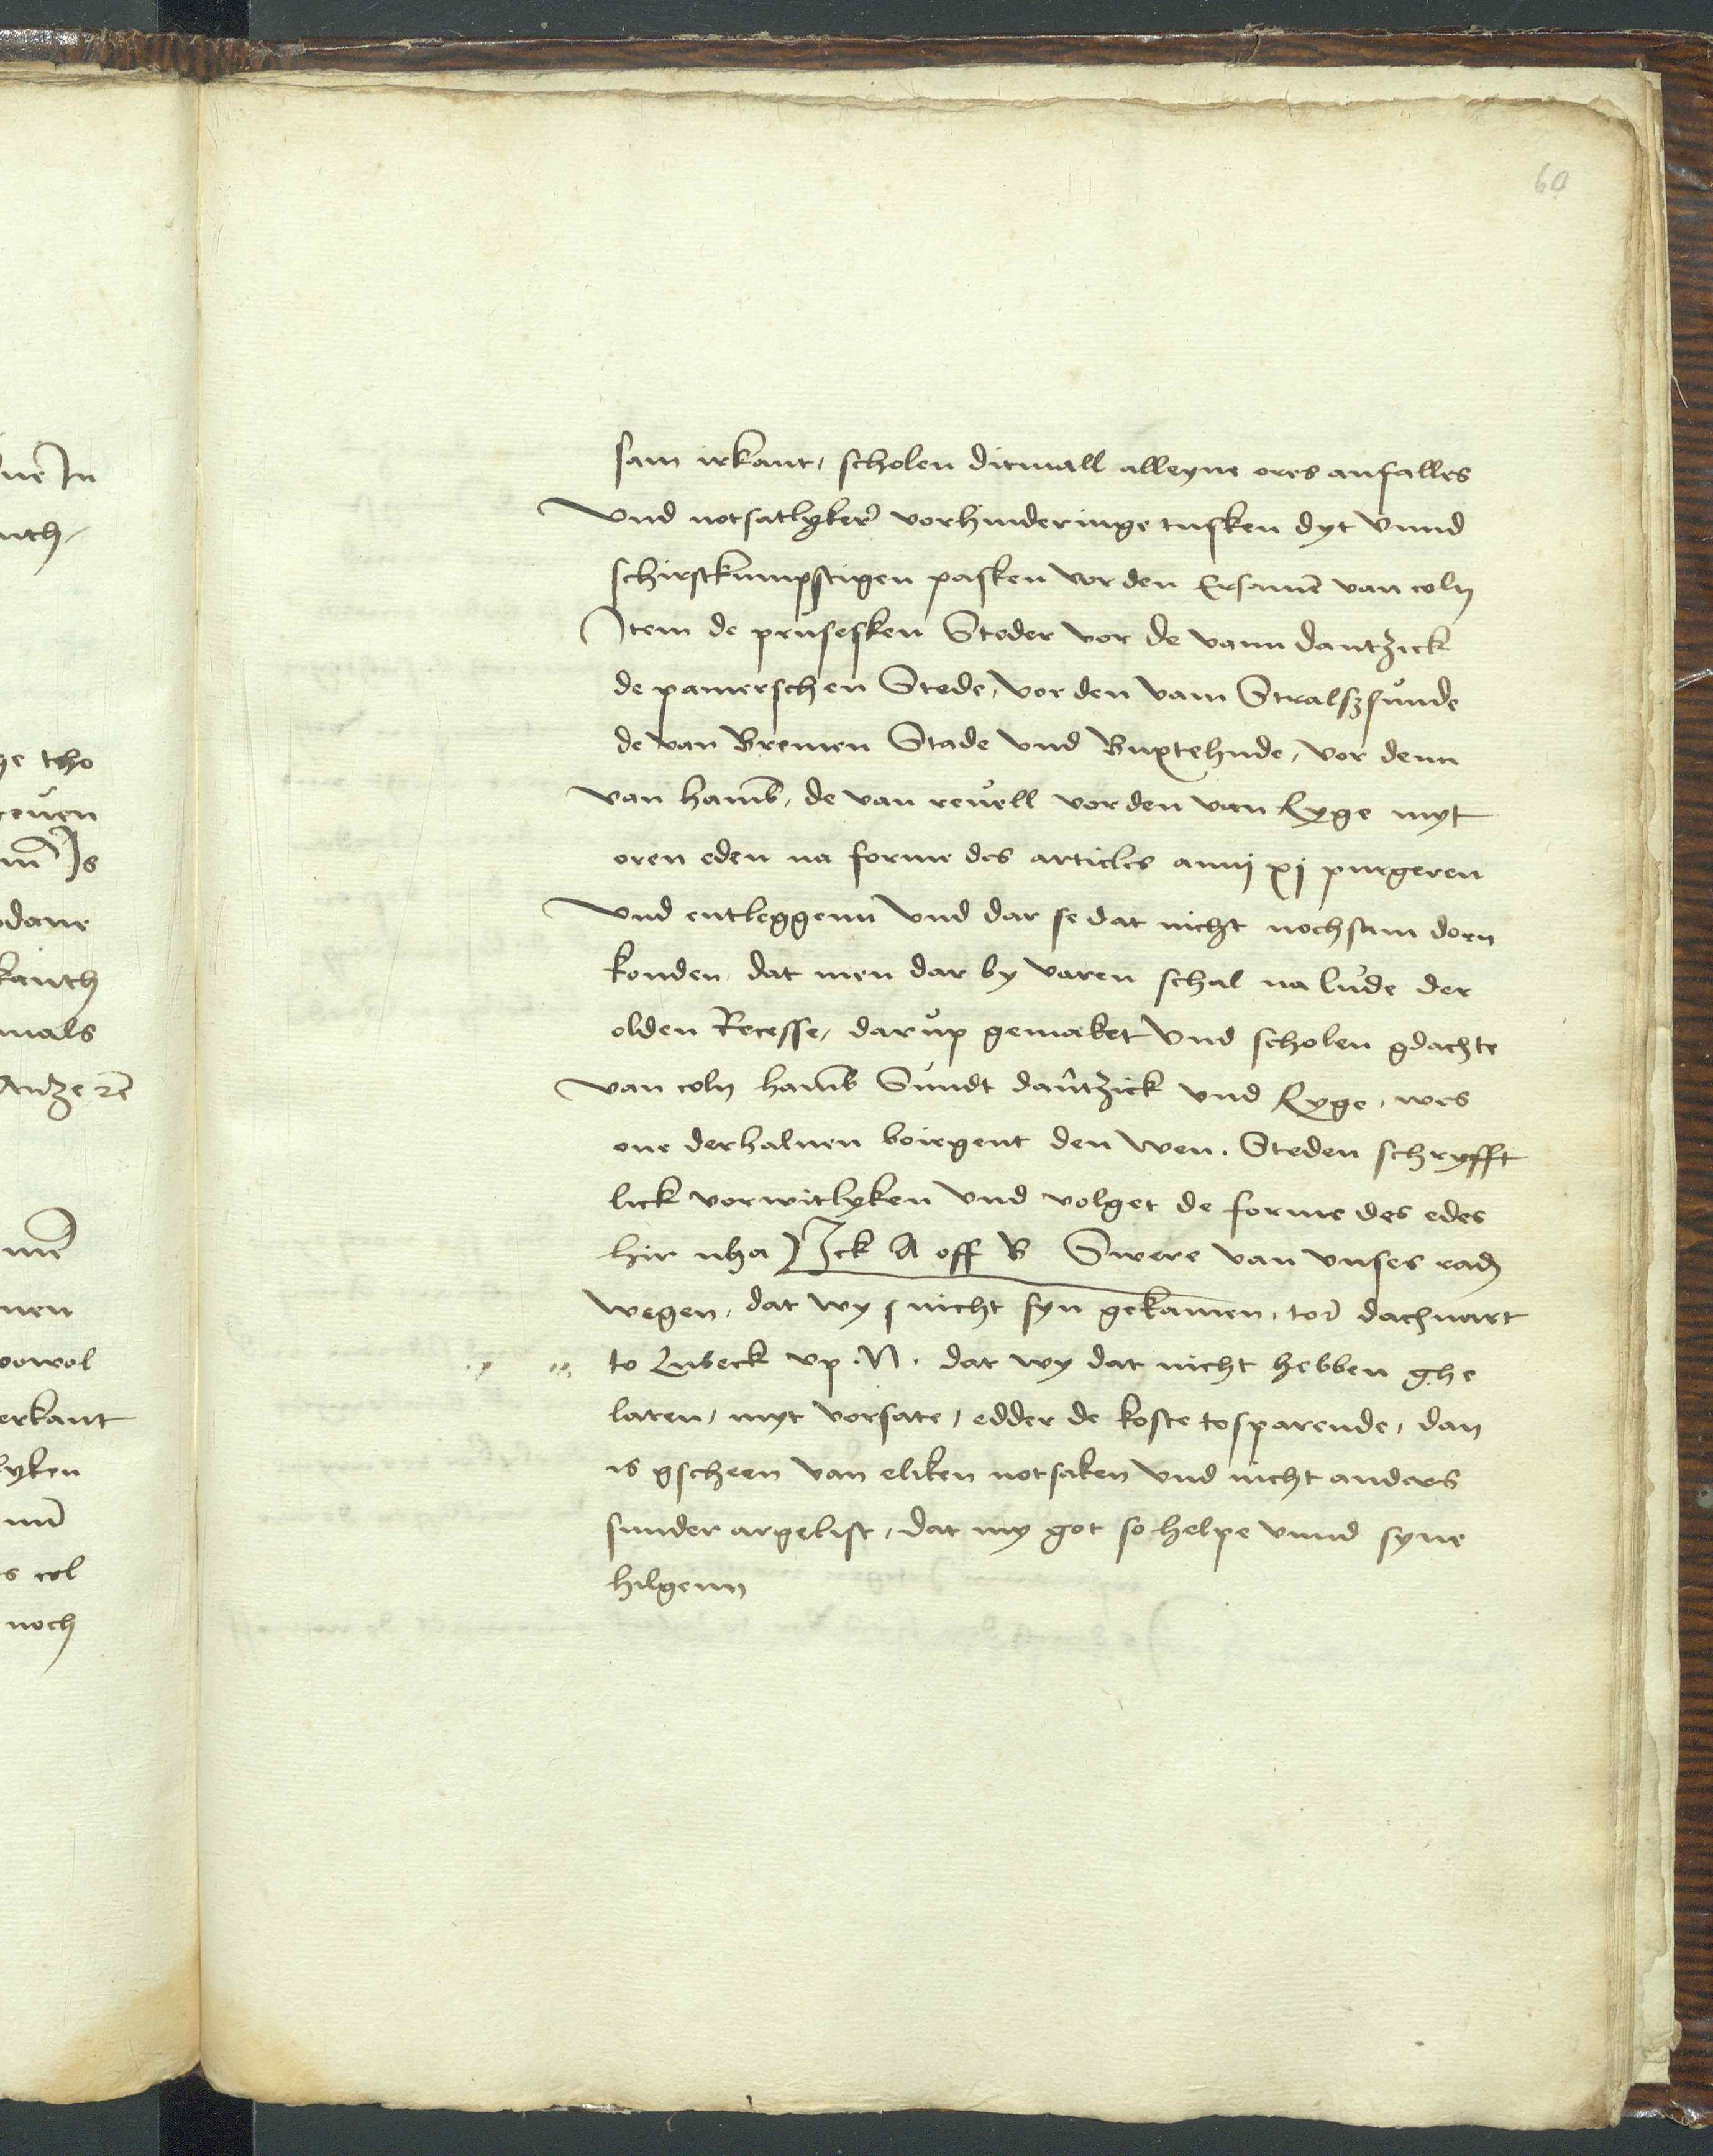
sam irkant, scholen ditmall alleyne ores anfalles
vnd notsatlyker vorhinderunge dyt vnnd
schirstkumpstigen pasken vor den Ersamen van coln
Jtem de prusesken Steder vor de vann dantzick
de pomerschen Stede, vor den vam Stralszsunde
de van Bremen Stade vnd Buxtehude, vor denn
van hamburg, de van revell vor den van Ryge myt
oren eden na forme des articles annj xi purgeren
vnd entleggen vnd dar se dat nicht nochsam doen
konden, dat men dar by varen schal na lude der
olden Recesse, darup gemaket vnd scholen gdachte
van coln hamburg Sundt dantzick vnd Rige, wes
one derhaluen boiegent den wen. Steden schryfft¬
lyck vorwitlyken vnd volget de forme des edes
hir nha Jck A off B Swere van vnses rades
wegen, dar wy s nicht syn gekamen, tor dachuart
to Lubeck vp. N. dat wy dat nicht hebben ghe¬
laten, myt vorsate, edder de koste to sparende, dan
is gscheen van eliken notsaken vnd nicht anders
sunder argelist, dat my got so helpe vnnd syne
hilgenn
